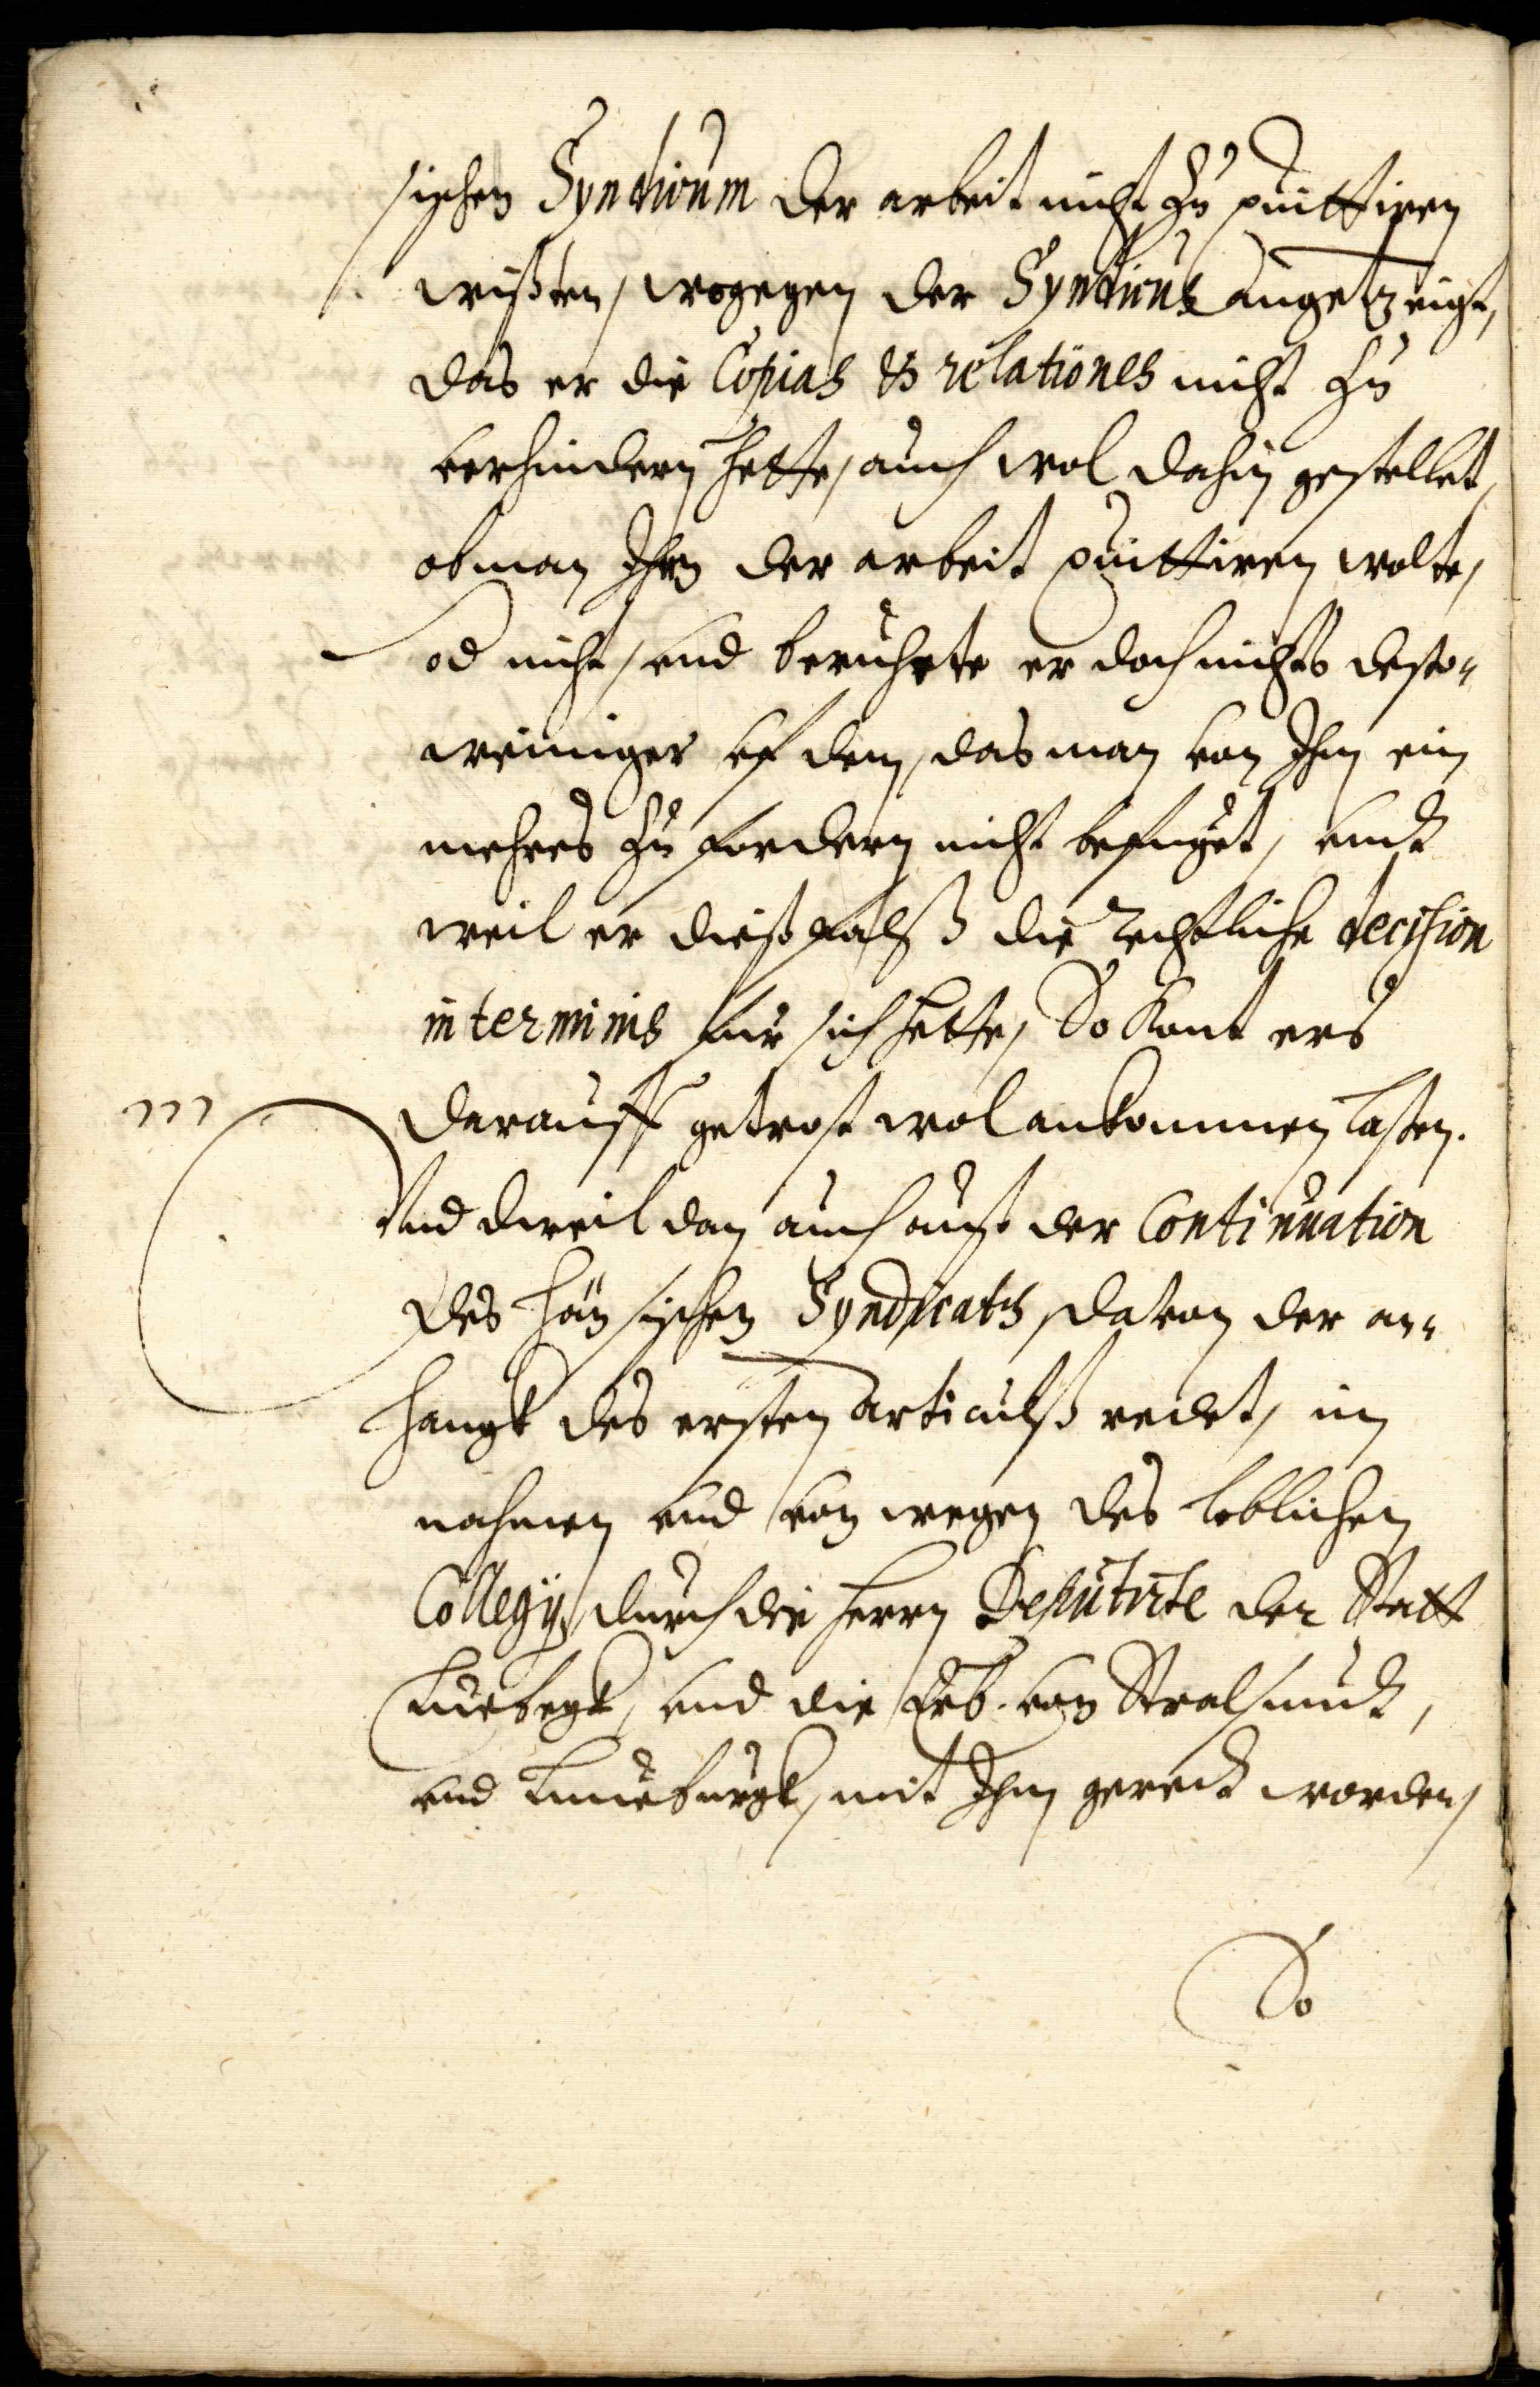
sischen Syndicum der arbeit nicht zu quittiren
wißten, wogegen der Syndicus angetzeigt,
das er die Copias & relationes nicht zu
verhindern hette, auch wol dahin gestellet,
ob man Ihm der arbeit quittiren wolte,
oder nicht, vnd beruhete er doch nichts desto¬
weiniger vf dem, das man von Ihm ein
mehres zu fordern nicht befuget, vndt
weil er dießfalß die rechtliche decision
in terminis fur sich hette, So kont ers
darauff getrost wol ankommen laßen.
Vnd diweil dan auch auß der Continuation
des hänsischen Syndicatz, davon der an¬
hangk des ersten Articulß redet, im
nahmen vnd von wegen des loblichen
Collegij, durch die herrn Deputirte der Statt
Luebegk, vnd die Erb. von Stralsundt,
vnd Luneburgk, mit Ihm geredt worden,
So
111 .
